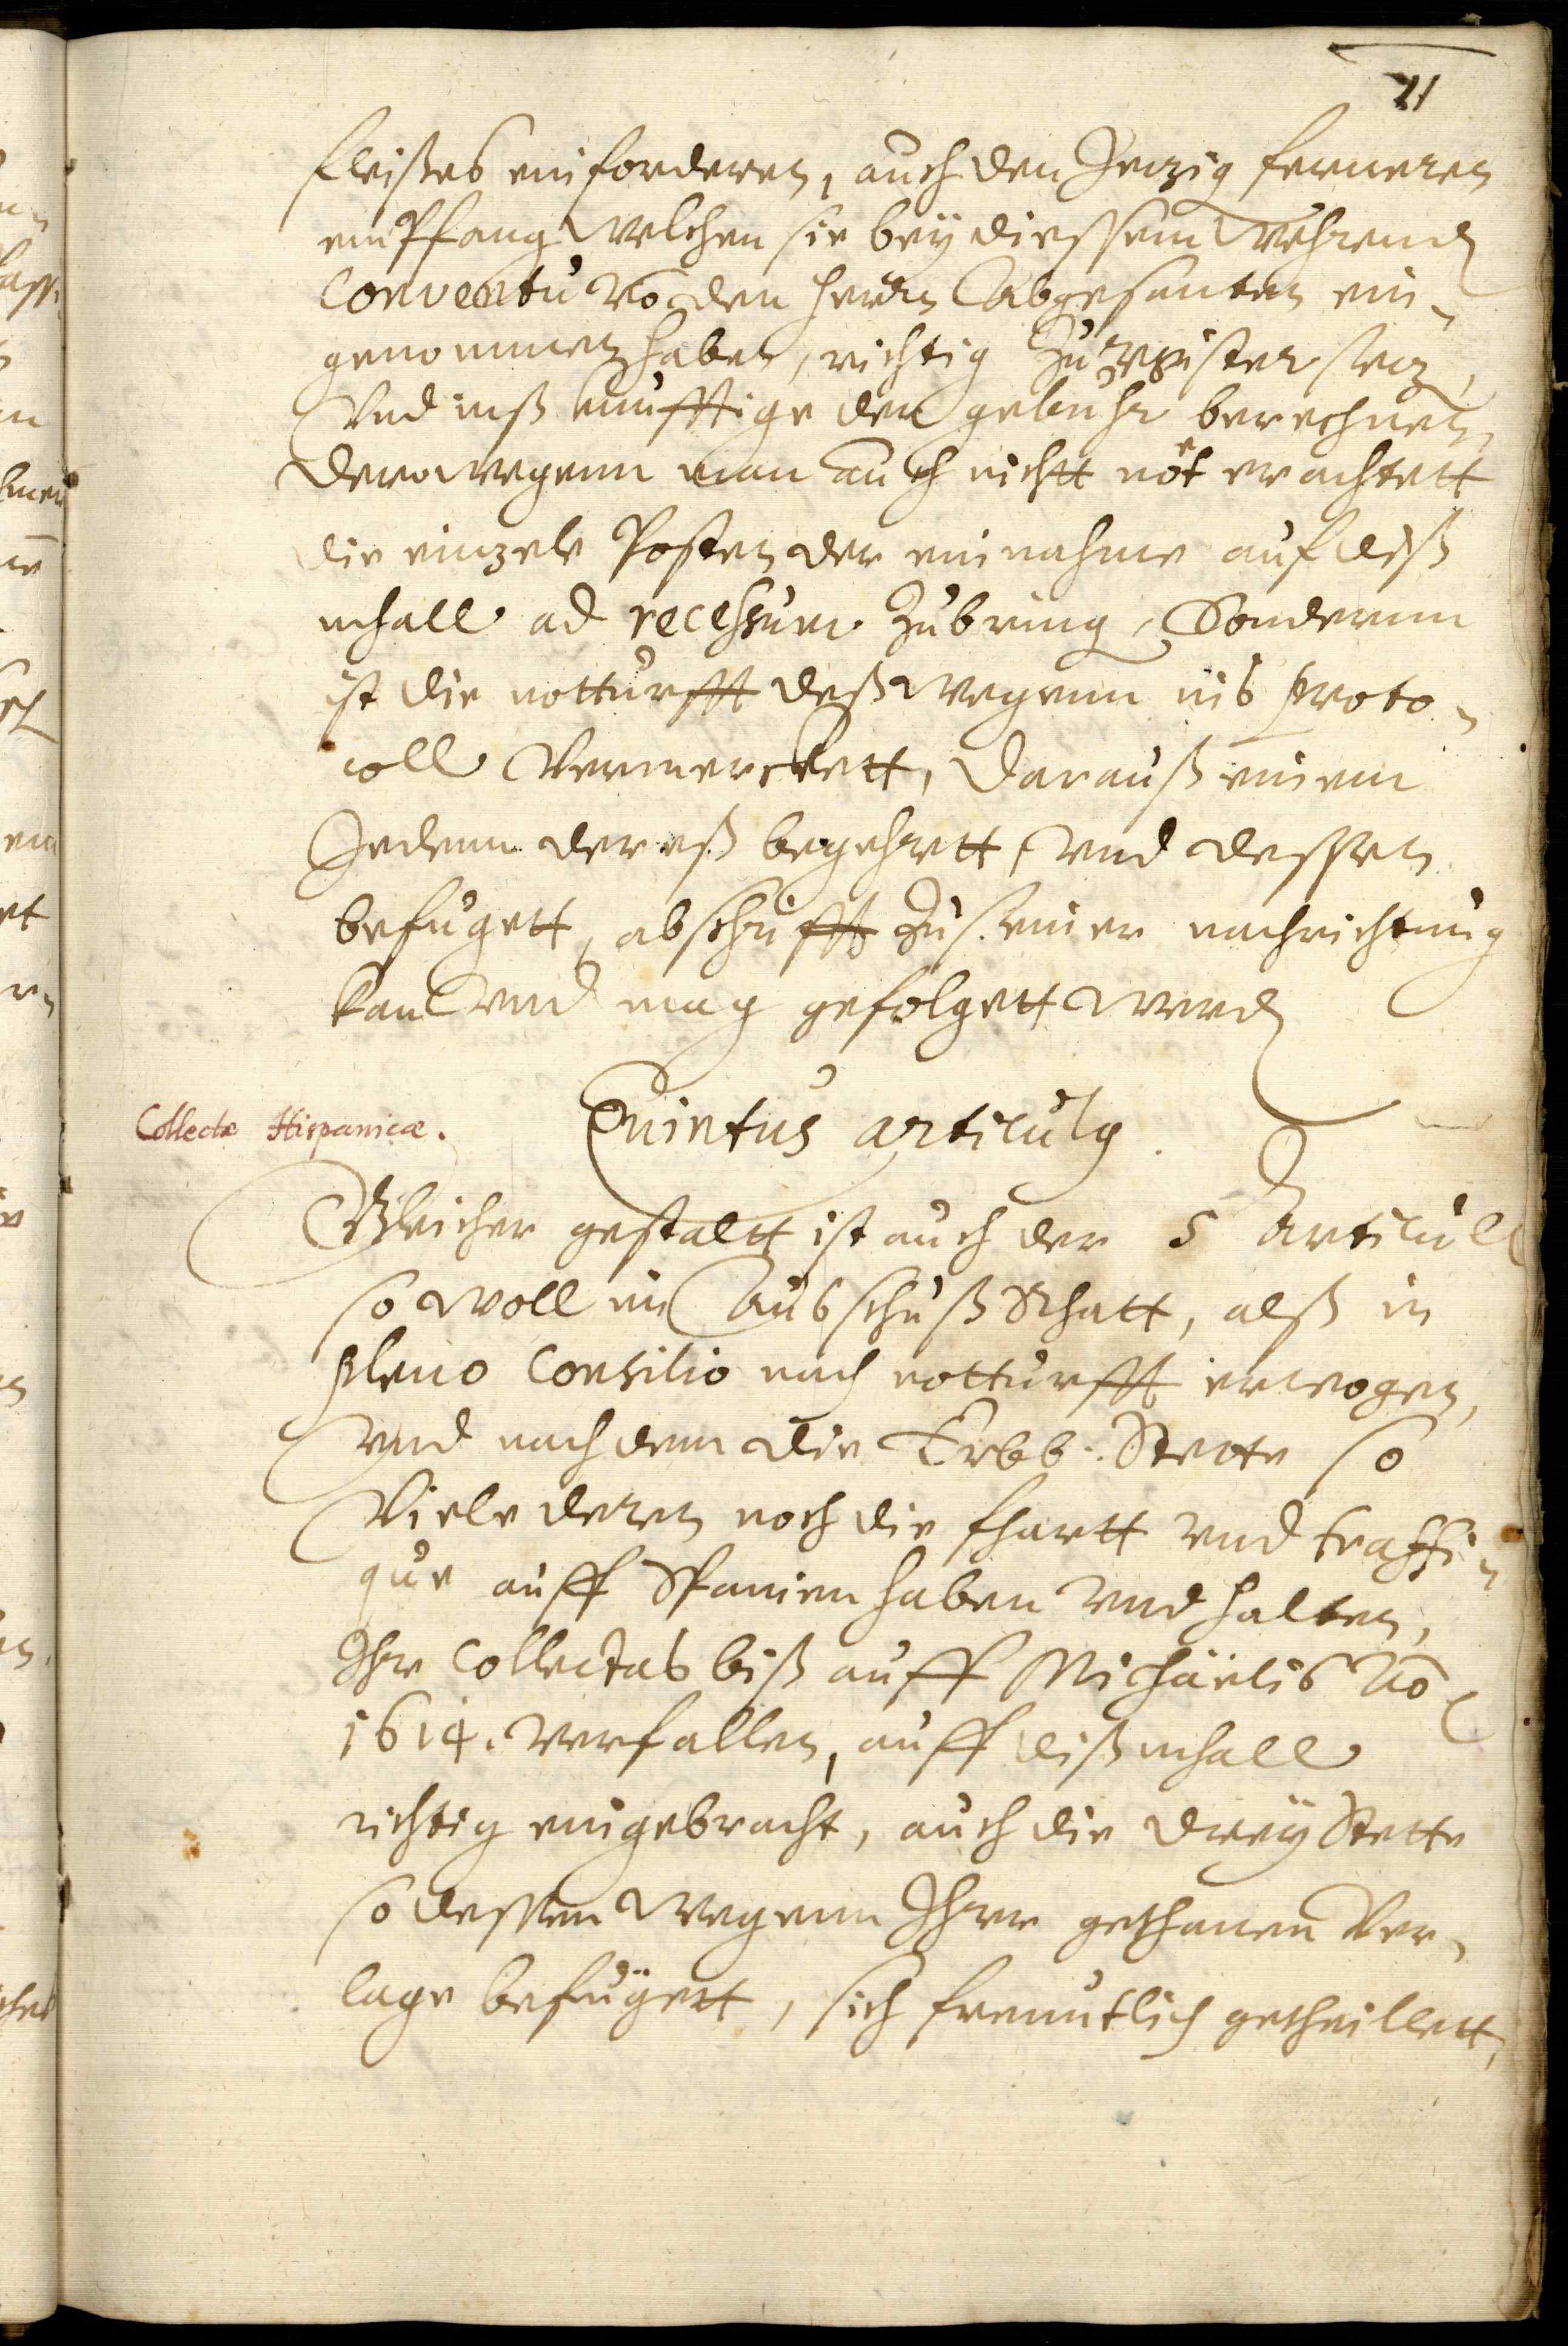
21
fleißes ein forderen, auch den jetzigen ferneren
empfang welchen sie beij diessem wehrenden
Conventu von den herren Abgesanten ein¬
genommen haben, richtig zu register setzen,
Vnd inß kunfftige der gebuhr berechnen,
dero wegenn man auch nichtt noet erachtett
die einzele Posten der einnahme auf diß
mhall ad recessum zubringen, Sondernn
ist die notturfft deßwegenn ins proto¬
coll Vermerckett, darauß einem
Jedenn der eß begehrett, vnd dessen
befugett, abschrifft Zu seiner nachrichtung
kan vnd mag gefolgett werden
Collectae Hispanicae.
Quintus articulus.
Gleicher gestaltt ist auch der 5 Articull
so woll in Ausschuß Rhatt, alß in
pleno Consilio nach notturfft erwogen,
vnd nach dem die Erbb: Stette so
Viele deren noch die fhartt vnd traffi¬
que auff Spanien haben vnd halten,
Ihr collectat biß auff Michaelis Anno p
1614. verfallen, auff dißmhall
richtig eingebracht, auch die dreij Stette
so dessen wegenn Ihrer gethanen Ver¬
lage befugett, sich freuntlich getheillett,
